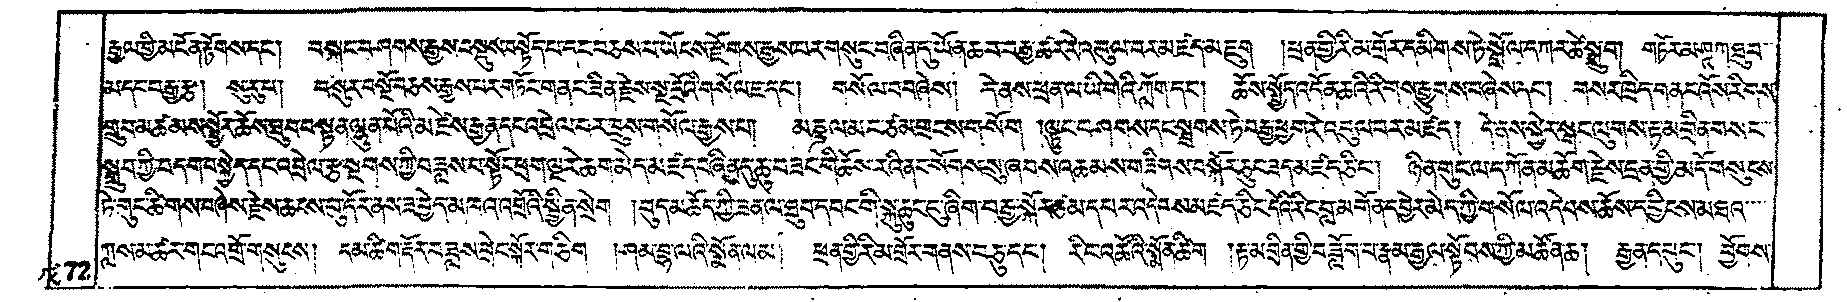རྒྱལ་གྱི་མངོན་རྟོགས་དང་། བསྐང་བཤགས་རྒྱས་བསྡུས་བསྟོད་པ་དང་བཅས་པ་ཡོངས་རྫོགས་རྒྱས་པར་གསུང་བཞིན་དུ་ཡོན་ཆབ་བརྒྱ་ཚར་རེ་འབུལ་བར་མཛད་མཇུག །ཕྲན་གྱི་རིམ་གྲོར་དམིགས་ཏེ་སྒྲོལ་དཀར་ཚེ་སྒྲུབ། གཏོར་མ་ཤཱ་ཀ་ཐུབ་
མ་དང་བརྒྱ་རྩ། སུ་རུ་པ། བསུར་བསྔོ་བཅས་རྒྱས་པར་གཏོང་གནང་ཟིན་རྗེས་སྔ་དྲོའི་གསོལ་ཇ་དང་། གསོལ་བ་བཞེས། དེ་ནས་ཕྲན་ལ་ཡི་གེའི་ཀློག་དང་། ཆོས་སྤྱོད་འདོན་ཆའི་རིགས་རྒྱུགས་བཞེས་དང་། གསར་ཁྲིད་གནང་འོས་རིགས་
གྲུབ་མཚམས་སྦྱོར་ཆོས་ཐུབ་བསྟན་ལྷུན་པོའི་མཛེས་རྒྱན་དང་འབྲེལ་བར་ཁྲུས་གསོལ་རྒྱས་པ། མཎྜལ་མང་ཙམ་གྲངས་གསོག །ལྟུང་བཤགས་དང་སྦྲགས་ཏེ་བརྒྱ་ཕྱག་རེ་འབུལ་བར་མཛད། དེ་ནས་སྐྱེར་སྒང་ལུགས་རྟ་མགྲིན་གསང་
སྒྲུབ་ཀྱི་བདག་བསྐྱེད་དང་འབྲེལ་རྩ་སྔགས་ཀྱི་བཟླས་པ་སྟོང་ཕྲག་ལྔ་རེ་ཆག་མེད་མཛད་བཞིན་དུ་ཆུ་བཟང་གི་ཆོས་རའི་ནང་སོགས་སུ་ཞབས་འཆམས་གཟིགས་བསྐོར་ཅུང་ཟད་ཅིང་། ཉིན་གུང་ལ་དཀོན་མཆོག་རྗེས་དྲང་ཡི་མདོ་གསུངས་
ཏེ་གུང་ཚིགས་བཞེས་རྗེ་ཆངས་བུ་དོར་ནས་ཟ་བྱེད་མཁའ་འགྲོའི་སྦྱིན་སྲེག །ཕུད་མཆོད་ཀྱི་ཟན་ལ་ཐུབ་དབང་གི་སྐུ་ཆུང་ངུ་ཞིག་བརྒྱ་སྐོར་ཙམ་དཔར་འདེབས་མཛད་ཅིང་དེའི་རིང་བླ་མགོན་དབྱེར་མེད་ཀྱི་གསོལ་འདེབས་ཆོས་དབྱིངས་མཐའ་
ཀླས་མ་ཚར་གང་འགྲོ་གསུངས། དམ་ཚིག་རྡོར་བཟླས་ཕྲེང་སྐོར་གཅིག །ཤམ་བྷ་ལའི་སྨོན་ལམ། ཕྲན་གྱི་རིམ་གྲོར་གནས་བཅུ་དང་། རིང་འཚོའི་སྨོན་ཚིག །རྟ་མགྲིན་གྱི་བཟློག་པ་རྣམ་རྒྱལ་སྟོབས་ཀྱི་མཚོན་ཆ། རྒྱན་དཔུང་། ཕྱོགས་